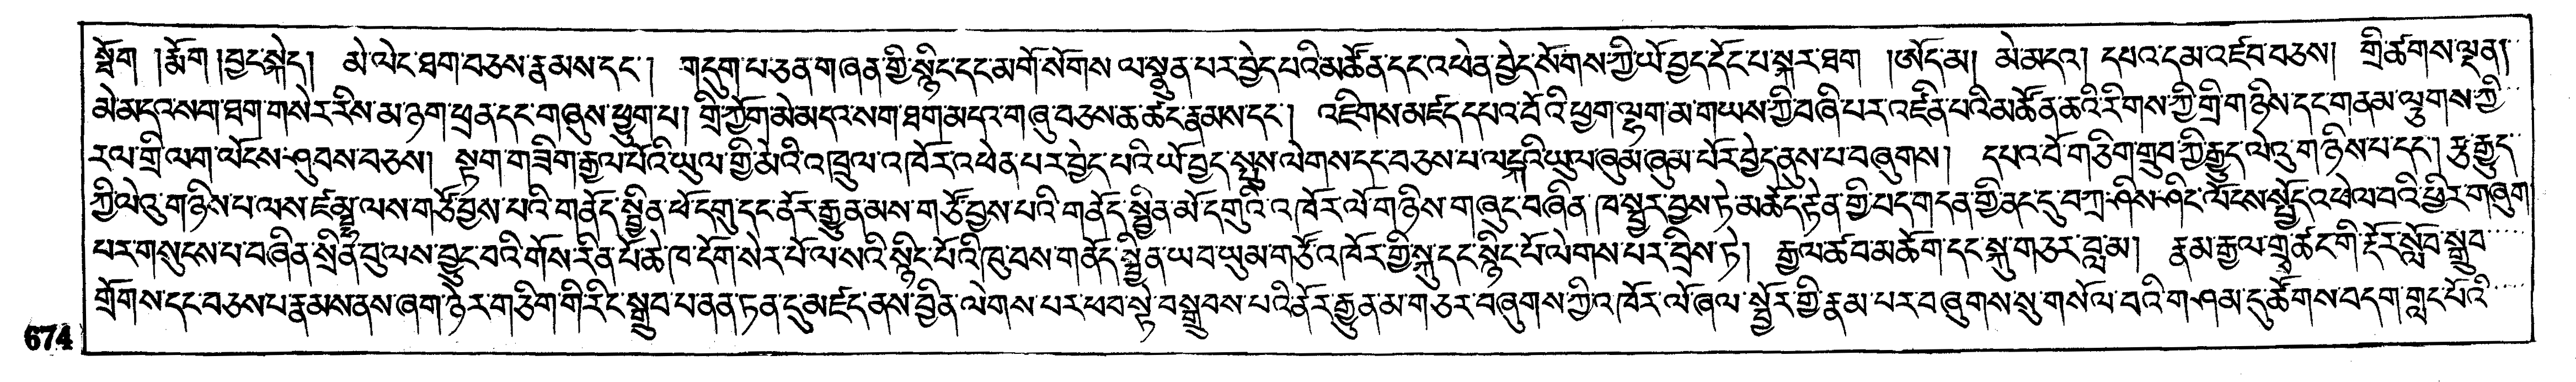སྦོག །རྨོག །བྱང་སྐེད། མེ་ལོང་ཐག་བཅས་རྣམས་དང་། གདུག་པ་ཅན་གཞན་གྱི་སྙིང་དང་མགོ་སོགས་ལ་སྣུན་པར་བྱེད་པའི་མཚོན་དང་འཕེན་བྱེད་སོགས་ཀྱི་ཡོ་བྱད་དོང་པ་སྐར་ཐག །ཨོད་མ། མེ་མདའ། དཔའ་དམ་འཛབ་བཅས། གྲི་ཚག་ས་ལྡན།
མེ་མདའ་སག་ཐག་གསེར་རིས་མ་ཉག་ཕྲན་དང་གཞུས་ཕྱག་པ། གྲི་ཀྱོག་མེ་མདའ་སག་ཐག་མདའ་གཞུ་བཅས་ཆ་ཚད་རྣམས་དང་། འཇིགས་མཛད་དཔའ་བོའི་ཕྱག་ལྷག་མ་གཡས་ཀྱི་བཞི་པར་འཛིན་པའི་མཚོན་ཆའི་རིགས་ཀྱི་གྲི་གཉིས་དང་གནམ་ལྕགས་ཀྱི་
རལ་གྲི་ལག་ལོངས་ཤུབས་བཅས། སྟག་གཟིག་རྒྱལ་པོའི་ཡུལ་གྱི་མེའི་འཁྲུལ་འཁོར་འཕེན་པར་བྱེད་པའི་ཡོ་བྱད་སྤུས་ལེགས་དང་བཅས་པ་ལངྐའི་ཡུལ་ཞུམ་ཞུམ་པོར་བྱེད་ནུས་པ་བཞུགས། དཔའ་བོ་གཅིག་གྲུབ་ཀྱི་རྒྱུད་ལེའུ་གཉིས་པ་དང་། རྩ་རྒྱུད་
ཀྱི་ལེའུ་གཉིས་པ་ལས་ཛམྦྷ་ལས་གཙོ་བྱས་པའི་གནོད་སྦྱིན་ཕོ་དགུ་དང་ནོར་རྒྱུན་མས་གཙོ་བྱས་པའི་གནོད་སྦྱིན་མོ་དགུའི་འཁོར་ལོ་གཉིས་གཞུང་བཞིན་ཁ་སྦྱར་བྱས་ཏེ་མཆོད་རྟེན་གྱི་པད་གདན་གྱི་ནང་དུ་བཀྲ་ཤིས་ཤིང་ལོངས་སྤྱོད་འཕེལ་བའི་ཕྱིར་གཞུག་
པར་གསུངས་པ་བཞིན་སྲིན་བུ་ལས་བྱུང་བའི་གོས་རིན་པོ་ཆེ་ཁ་དོག་སེར་པོ་ལ་སའི་སྙིང་པོའི་ཁུ་བས་གནོད་སྦྱིན་ཡབ་ཡུམ་གཙོ་འཁོར་གྱི་སྐུ་དང་སྙིང་པོ་ལེགས་པར་བྲིས་ཏེ། རྒྱལ་ཚབ་མཆོག་དང་སྐུ་གཅར་བླ་མ། རྣམ་རྒྱལ་གྲྭ་ཚང་གི་རྡོར་སློབ་སྒྲུབ་
གྲོགས་དང་བཅས་པ་རྣམས་ནས་ཞག་ཉེར་གཅིག་གི་རིང་སྒྲུབ་པ་ནན་ཏན་དུ་མཛད་ནས་བྱིན་ལེགས་པར་ཕབ་སྟེ་བསྒྲུབ་པའི་ནོར་རྒྱུན་མ་གཙོ་རི་བཞུགས་ཀྱི་འཁོར་ལོ་ཞལ་སྦྱོར་གྱི་རྣམ་པར་བཞུགས་སུ་གསོལ་བའི་གཤམ་དུ་ཚོགས་བདག་གླང་པོའི་